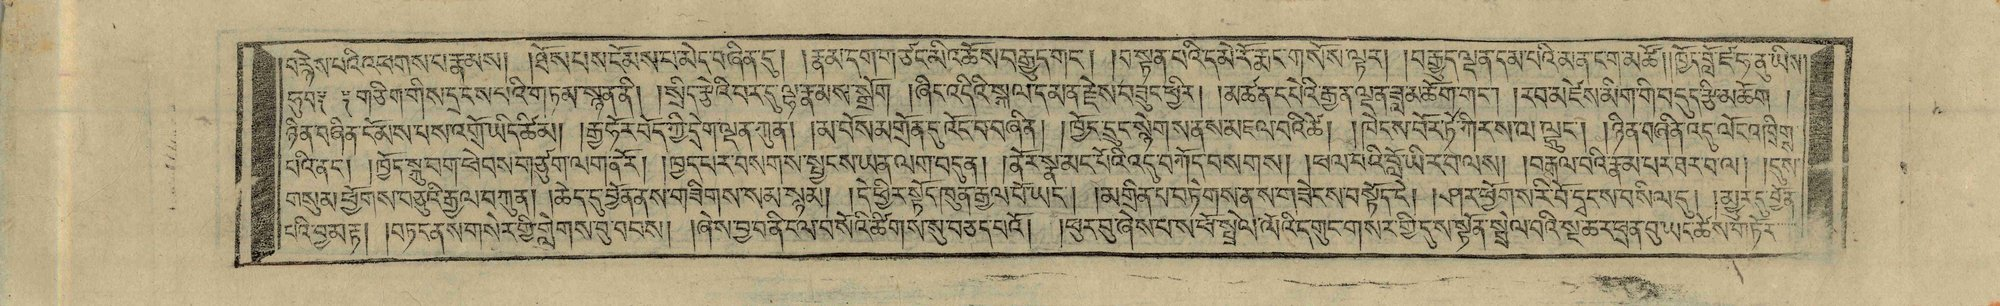བརྙེས་པའི་འཕགས་པ་རྣམས། །ཐོས་པས་ངོམས་པ་མེད་བཞིན་དུ། །རྣམ་དག་གཙང་མའི་ཆོས་བརྒྱུད་གང་། །བསྟན་པའི་དམེ་རོ་རྨང་གསོས་ལྟར། །བརྒྱུད་ལྡན་དམ་པའི་མན་ངག་མཚོ། །ཁྱོད་བློ་ཛ་ཧ་ནུ་ཡིས་
ཧུབ༑ ༑གཅིག་གིས་དྲངས་པའི་གཏམ་སྙན་ནི། །སྲིད་རྩེའི་བར་དུ་ལྷ་རྣམས་སྒྲོག །ཞིང་འདིའི་སྐལ་དམན་རྗེས་བཟུང་ཕྱིར། །མཚན་དཔེའི་རྒྱན་ལྡན་ཟླ་མཆོག་གང་། །རབ་མཛེས་མིག་གི་བདུད་རྩི་མཆོག །
ཉིན་བཞིན་ངོམས་པས་འགྲོ་ཡིད་ཚིམ། །རྒྱ་ཧོར་བོད་ཀྱི་དྲེག་ལྡན་ཀུན། །མ་བོས་མགྲོན་དུ་འོང་བ་བཞིན། །ཁྱོད་དྲུང་སྙེགས་ནས་མཇལ་བའི་ཚེ། །ཁེངས་ཕོར་ཉེ་ཀིར་སོ་ལ་ལྷུང་། །ཉིན་བཞིན་འདུ་ལོང་འཁྲིགས་
པའི་ནང་། །ཁྱོད་སྐུ་བག་ཕེབས་གཙུག་ལག་ནོར། །ཁྱད་པར་བསགས་སྤྱངས་ཡན་ལག་བདུན། །ནོར་སྣ་མང་པོའི་འདུ་བཀོད་བསགས། །ཕལ་བའི་བློ་ཡི་ར་བ་ལས། །བརྒལ་བའི་རྣམ་པར་ཐར་བ་ལ། །དུས་
གསུམ་ཕྱོགས་བཅུའི་རྒྱལ་བ་ཀུན། །ཆེད་དུ་བྱོན་ནས་གཟིགས་སམ་སྙམ། །དེ་ཕྱིར་སྟོང་ཁུན་རྒྱལ་པོ་ཡང་། །མགྲིན་པ་བཏེགས་ནས་གཟེངས་བསྟོད་ངེ། །ཤར་ཕྱོགས་རི་བོ་དྭངས་བསིལ་དུ། །མྱུར་དུ་བྱོན་
པའི་བྱ་མ་རྟ། །བཏང་ནས་གསེར་གྱི་གླེགས་བུ་བབས། །ཞེས་བྱ་བ་ནི་ངལ་བསོའི་ཚིགས་སུ་བཅད་པའོ། །ཕུར་བུ་ཞེས་པ་ས་ཕོ་སྤྲེལ་ལོའི་དགུང་གསར་གྱི་དུས་སྟོན་སྤྲེལ་བའི་སྔ་ཆར་ཕྲན་བུ་ཡང་ཚེས་གཏོར་